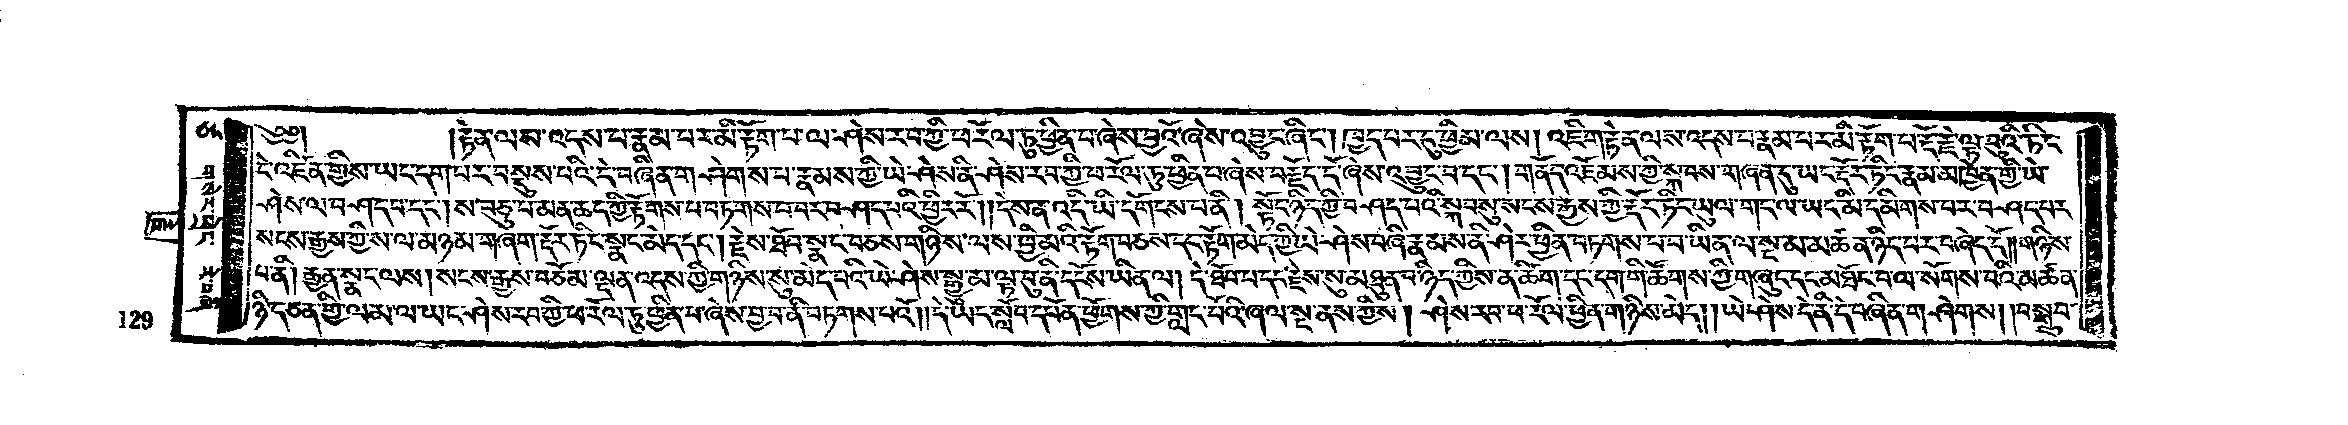༄༅། །རྟེན་ལས་འདས་པ་རྣམ་པར་མི་རྟོག་པ་ལ་ཤེས་རབ་ཀྱི་ཕ་རོལ་ཏུ་ཕྱིན་པ་ཞེས་བྱའོ་ཞེས་འབྱུང་ཞིང་། ཁྱད་པར་དུ་ཕྱི་མ་ལས། འཇིག་རྟེན་ལས་འདས་པ་རྣམ་པར་མི་རྟོག་པ་རྡོ་རྗེ་ལྟ་བུའི་ཏིང་
ངེ་འཛིན་གྱིས་ཡང་དག་པར་བསྡུས་པའི་དེ་བཞིན་གཤེགས་པ་རྣམས་ཀྱི་ཡེ་ཤེས་ནི་ཤེས་རབ་ཀྱི་ཕ་རོལ་ཏུ་ཕྱིན་པ་ཞེས་བརྗོད་དོ་ཞེས་འབྱུང་བ་དང་། གནོད་འཇོམས་ཀྱི་སྐབས་གཞན་དུ་ཡང་རྡོར་ཏིང་རྣམ་མཁྱེན་གྱི་ཡེ་
ཤེས་ལ་བཤད་པ་དང་། ས་བཅུ་པ་མན་ཆད་ཀྱི་རྟོགས་པ་བཏགས་པ་བར་བཤད་པའི་ཕྱིར་རོ། །དེས་ན་འདི་ཡི་དགོངས་པ་ནི། སྟོང་ཉིད་ཀྱི་བཤད་པའི་སྐབས་སུ་སངས་རྒྱས་ཀྱི་རྡོར་ཏིང་ཡུལ་གང་ལ་ཡང་མི་དམིགས་པར་བཤད་པར་
སངས་རྒྱས་ཀྱི་ས་ལ་མཉམ་གཞག་རྡོར་ཏིང་སྣང་མེད་དང་། རྗེས་ཐོབ་སྣང་བཅས་གཉིས་ལས་ཕྱི་མའི་རྟོག་བཅས་དང་རྟོག་མེད་ཀྱི་ཡེ་ཤེས་བཞི་རྣམས་ནི་ཤེར་ཕྱིན་བཏགས་པ་བ་ཡིན་ལ་སྔ་མ་མཚན་ཉིད་པར་བཞེད་དོ། །གཉིས་
པ་ནི། རྒྱན་སྣང་ལས། སངས་རྒྱས་བཅོམ་ལྡན་འདས་ཀྱི་གཉིས་སུ་མེད་པའི་ཡེ་ཤེས་སྒྱུ་མ་ལྟ་བུ་ནི་དངོས་ཡིན་ལ། དེ་ཐོབ་པ་དང་རྗེས་སུ་མཐུན་པ་ཉིད་ཀྱིས་ན་ཚིག་དང་ངག་གི་ཚོགས་ཀྱི་གཞུང་དང་མཐོང་བ་ལ་སོགས་པའི་མཚན་
ཉིད་ཅན་གྱི་ལམ་ལ་ཡང་ཤེས་རབ་ཀྱི་ཕ་རོལ་ཏུ་ཕྱིན་པ་ཞེས་བྱ་བ་ནི་བཏགས་པའོ། །དེ་ཡང་སློབ་དཔོན་ཕྱོགས་ཀྱི་གླང་པོའི་ཞལ་སྔ་ནས་ཀྱིས། ཤེས་རབ་ཕ་རོལ་ཕྱིན་གཉིས་མེད། །ཡེ་ཤེས་དེ་ནི་དེ་བཞིན་གཤེགས། །བསྒྲུབ་